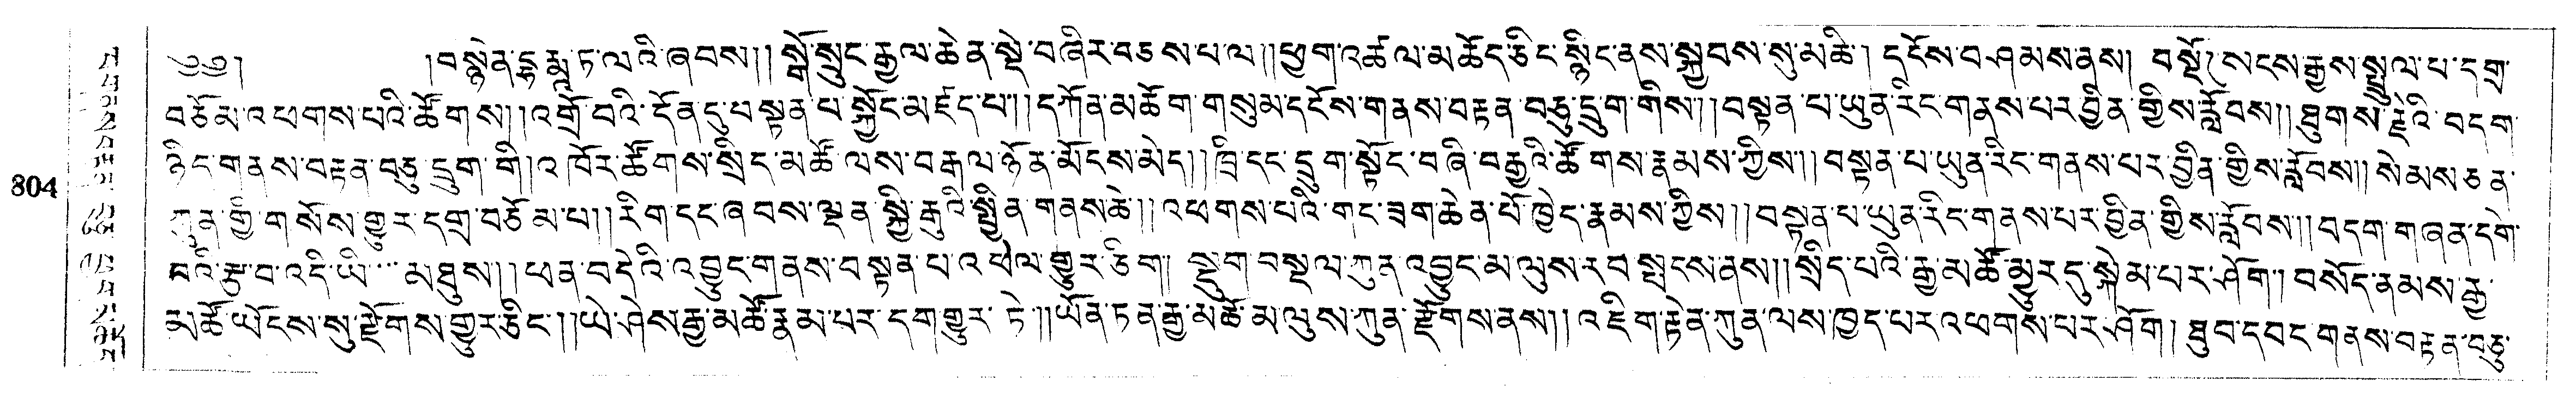༄༅། །བསྙེན་དྷ་རྨཱ་ཏ་ལའི་ཞབས། །སྒོ་སྲུང་རྒྱལ་ཆེན་སྡེ་བཞིར་བཅས་པ་ལ། །ཕྱག་འཚལ་མཆོད་ཅིང་སྙིང་ནས་སྐྱབས་སུ་མཆི། དངོས་བཤམས་ནས། བསྔོ༑ སངས་རྒྱས་སྤྲུལ་པ་དགྲ་
བཅོམ་འཕགས་པའི་ཚོགས། །འགྲོ་བའི་དོན་དུ་བསྟན་པ་སྐྱོང་མཛད་པ། །དཀོན་མཆོག་གསུམ་དངོས་གནས་བརྟན་བཅུ་དྲུག་གིས། །བསྟན་པ་ཡུན་རིང་གནས་པར་བྱིན་གྱིས་རློབས། །ཐུགས་རྗེའི་བདག་
ཉིད་གནས་བརྟན་བཅུ་དྲུག་གི། འཁོར་ཚོགས་སྲིད་མཚོ་ལས་བརྒལ་ཉོན་མོངས་མེད། །ཁྲི་དང་དྲུག་སྟོང་བཞི་བརྒྱའི་ཚོགས་རྣམས་ཀྱིས། །བསྟན་པ་ཡུན་རིང་གནས་པར་བྱིན་གྱིས་རློབས། །སེམས་ཅན་
ཀུན་གྱི་གསོས་གྱུར་དགྲ་བཅོམ་པ། །རིག་དང་ཞབས་ལྡན་སྐྱི་རྒུའི་སྤྱིན་གནས་ཆེ། །འཕགས་པའི་གང་ཟག་ཆེན་པོ་ཁྱེད་རྣམས་ཀྱིས། །བསྟན་པ་ཡུན་རིང་གནས་པར་བྱིན་གྱིས་རློབས། །བདག་གཞན་དགེ་
བའི་རྩ་བ་འདི་ཡི་མཐུས། །ཕན་བདེའི་འབྱུང་གནས་བསྟན་པ་འཕེལ་གྱུར་ཅིག །སྡུག་བསྔལ་ཀུན་འབྱུང་མ་ལུས་རབ་སྤངས་ནས། །སྲིད་པའི་རྒྱ་མཚོ་མྱུར་དུ་སྐེམ་པར་ཤོག །བསོད་ནམས་རྒྱ་
མཚོ་ཡོངས་སུ་རྫོགས་གྱུར་ཅིང་། །ཡེ་ཤེས་རྒྱ་མཚོ་རྣམ་པར་དག་གྱུར་ཏེ། །ཡོན་ཏན་རྒྱ་མཚོ་མ་ལུས་ཀུན་རྫོགས་ནས། །འཇིག་རྟེན་ཀུན་ལས་ཁྱད་པར་འཕགས་པར་ཤོག །ཐུབ་དབང་གནས་བརྟན་བཅུ་